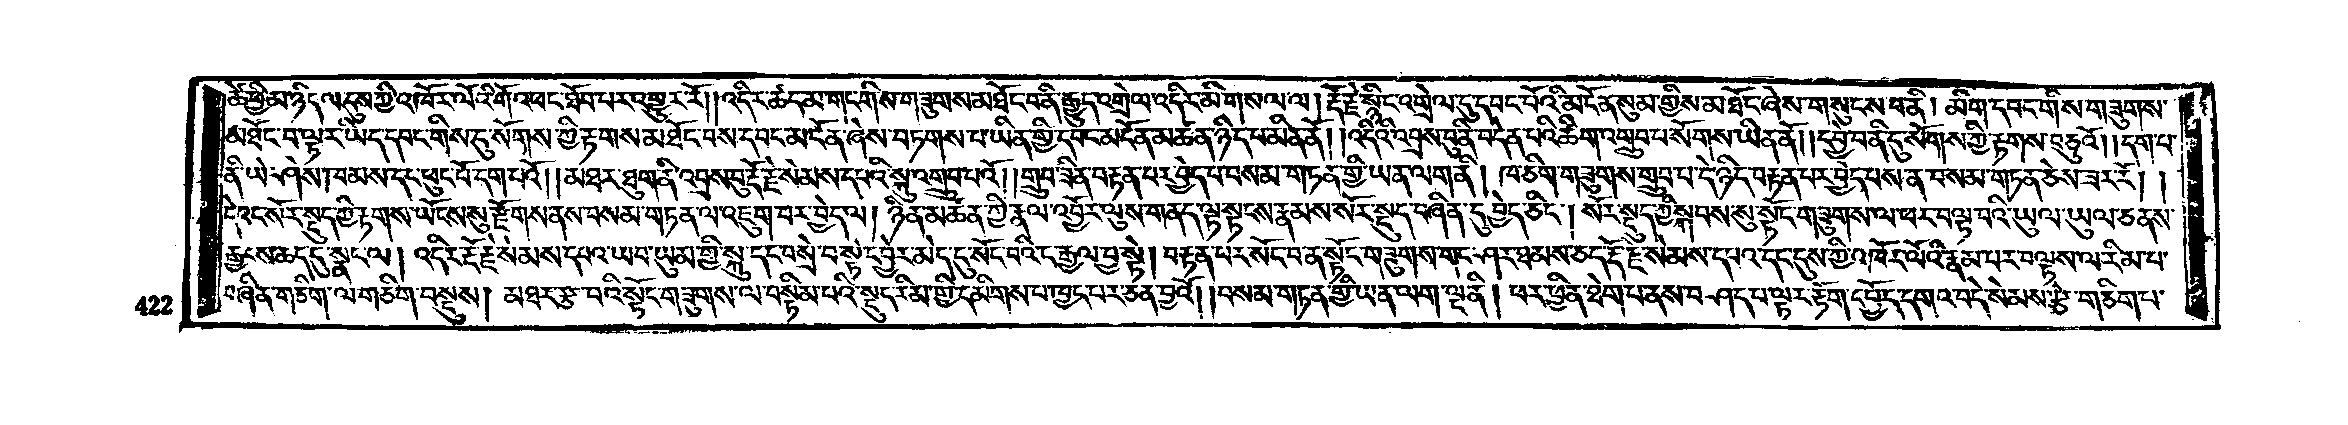ཚེ་ཕྱི་མ་ཉིད་ལ་དུས་ཀྱི་འཁོར་ལོའི་གོ་འཕང་ཐོབ་པར་འགྱུར་རོ། །འདིར་ཚད་མ་གང་གིས་གཟུགས་མཐོང་བ་ནི་རྒྱུད་འགྲེལ་འདིར་མི་གསལ་ལ། རྡོ་རྗེ་སྙིང་འགྲེལ་དུ་དབང་པོའི་མངོན་སུམ་གྱིས་མཐོང་ཞེས་གསུངས་པ་ནི། མིག་དབང་གིས་གཟུགས་
མཐོང་བ་ལྟར་ཡིད་དབང་གིས་དུ་སོགས་ཀྱི་རྟགས་མཐོང་བས་དབང་མངོན་ཞེས་བཏགས་པ་ཡིན་གྱི་དབང་མངོན་མཚན་ཉིད་པ་མིན་ནོ། །འདིའི་འབྲས་བུ་ནི་བདེན་པའི་ཚིག་འགྲུབ་པ་སོགས་ཡིན་ནོ། །དབྱེ་བ་ནི་དུ་སོགས་ཀྱི་རྟགས་བཅུའོ། །དག་པ་
ནི་ཡེ་ཤེས་ཁམས་དང་ཕུང་པོ་དག་པའོ། །མཐར་ཐུག་ནི་འབྲས་བུ་རྡོ་རྗེ་སེམས་དཔའི་སྐུ་འགྲུབ་པའོ། །གྲུབ་ཟིན་བརྟན་པར་བྱེད་པ་བསམ་གཏན་གྱི་ཡན་ལག་ནི། ཁ་ཅིག་གཟུགས་གྲུབ་པ་དེ་ཉིད་བརྟན་པར་བྱེད་པས་ན་བསམ་གཏན་ཅེས་ཟེར་རོ། །
དེའང་སོར་སྡུད་ཀྱི་རྟགས་ཡོངས་སུ་རྫོགས་ནས་བསམ་གཏན་ལ་འཇུག་པར་བྱེད་ལ། ཉིན་མཚན་གྱི་རྣལ་འབྱོར་ལུས་གནད་ལྟ་སྟངས་རྣམས་སོར་སྡུད་བཞིན་དུ་བྱེད་ཅིང་། སོར་སྡུད་ཀྱི་སྐབས་སུ་སྟོང་གཟུགས་ལ་ཕར་བལྟ་བའི་ཡུལ་ཡུལ་ཅན་ནས་
རྒྱངས་ཆད་དུ་སྣང་ལ། འདིར་རྡོ་རྗེ་སེམས་དཔའ་ཡབ་ཡུམ་གྱི་སྐུ་དང་བསྲེ་བ་སྟེ་དབྱེར་མེད་དུ་སོང་བའི་ང་རྒྱལ་བྱ་སྟེ། བརྟན་པར་སོང་བ་ན་སྟོང་གཟུགས་གང་ཤར་ཐམས་ཅད་རྡོ་རྗེ་སེམས་དཔའ་དང་དུས་ཀྱི་འཁོར་ལོའི་རྣམ་པར་བལྟས་ལ་རིམ་པ་
བཞིན་གཅིག་ལ་གཅིག་བསྡུས། མཐར་རྩ་བའི་སྟོང་གཟུགས་ལ་བསྟིམ་པའི་སྡུད་རིམ་གྱི་དམིགས་པ་ཁྱད་པར་ཅན་བྱའོ། །བསམ་གཏན་གྱི་ཡན་ལག་ལྔ་ནི། ཕར་ཕྱིན་ཐེག་པ་ནས་བཤད་པ་ལྟར་རྟོག་དཔྱོད་དགའ་བདེ་སེམས་རྩེ་གཅིག་པ་